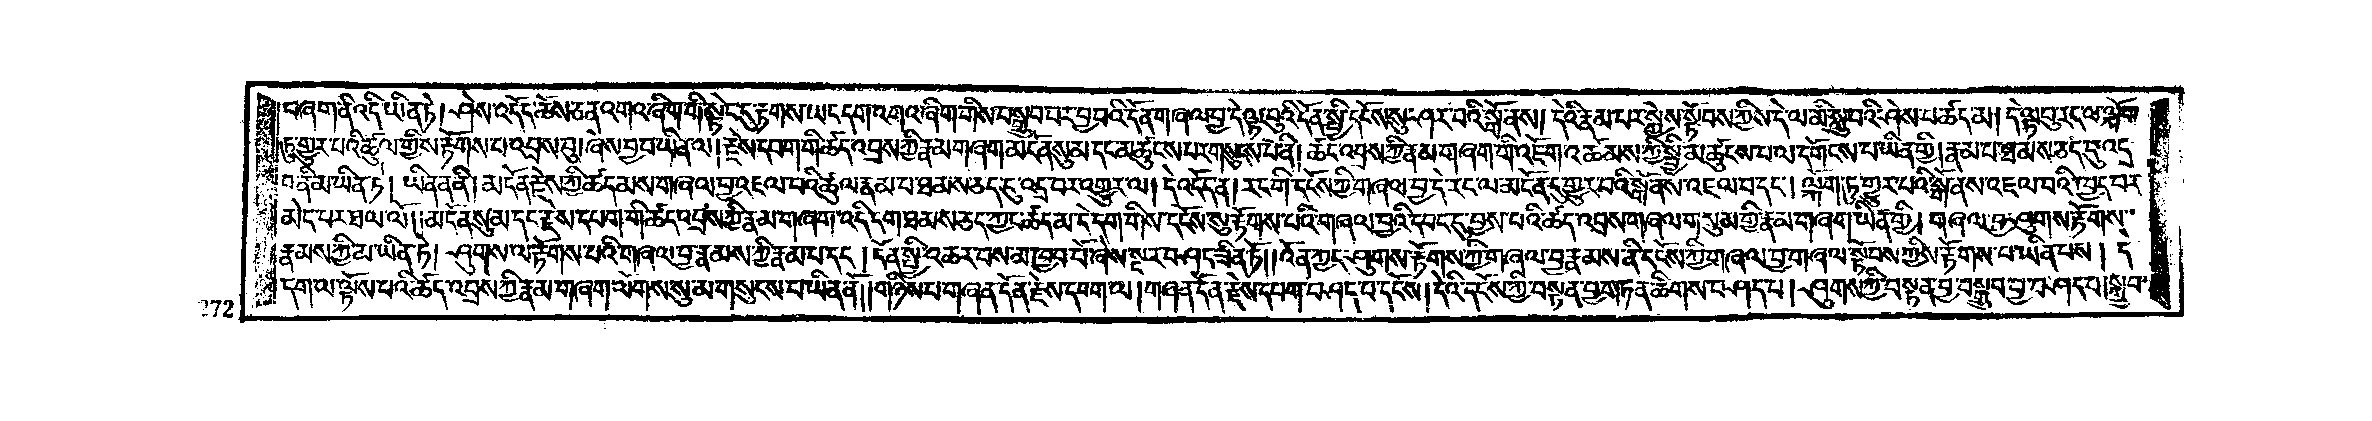བཞག་ནི་འདི་ཡིན་ཏེ། ཤེས་འདོད་ཆོས་ཅན་འགའ་ཞིག་གོ་སྟེང་དུ་རྟགས་ཡང་དག་འགའ་ཞིག་གིས་བསྒྲུབ་པར་བྱ་བའི་དོན་གཞལ་བྱ་དེ་ལྟ་བུའི་དོན་སྤྱི་དངོས་སུ་ཤར་བའི་སྒོ་ནས། དེའི་རྣམ་པར་སྐྱེས་སྟོབས་ཀྱིས་དེ་ལ་མི་སླུ་བའི་ཤེས་པ་ཚད་མ། དེ་ལྟ་བུ་རང་ལ་ལྐོག་
ཏུ་གྱུར་པའི་ཚུལ་གྱིས་རྟོགས་པ་འབྲས་བུ། ཞེས་བྱ་བ་ཡིན་ལ། རྗེས་དཔག་གི་ཚད་འབྲས་ཀྱི་རྣམ་གཞག་མངོན་སུམ་དང་མཚུངས་པར་གསུངས་པ་ནི། ཚད་འབྲས་ཀྱི་རྣམ་གཞག་གི་འཇོག་འཚམས་ཀྱི་སྤྱི་མཚུངས་པ་ལ་དགོངས་པ་ཡིན་གྱི། རྣམ་པ་ཐམས་ཅད་དུ་འདྲ་
བ་ནི་མ་ཡིན་ཏེ། ཡིན་ན་ནི། མངོན་རྗེས་ཀྱི་ཚད་མས་གཞལ་བྱ་འཇལ་བའི་ཚུལ་རྣམ་པ་ཐམས་ཅད་དུ་འདྲ་བར་འགྱུར་ལ། དེ་འདོད་ན། རང་གི་དངོས་ཀྱི་གཞལ་བྱ་དེ་རང་ལ་མངོན་དུ་གྱུར་པའི་སྒོ་ནས་འཇལ་བ་དང་། ལྐོག་ཏུ་གྱུར་པའི་སྒོ་ནས་འཇལ་བའི་ཁྱད་པར་
མེད་པར་ཐལ་ལོ། །མངོན་སུམ་དང་རྗེས་དཔག་གི་ཚད་འབྲས་ཀྱི་རྣམ་གཞག་འདི་དག་ཐམས་ཅད་ཀྱང་ཚད་མ་དེ་དག་གིས་དངོས་སུ་རྟོགས་པའི་གཞལ་བྱའི་དབང་དུ་བྱས་པའི་ཚད་འབྲས་གཞལ་གསུམ་གྱི་རྣམ་གཞག་ཡིན་གྱི། གཞལ་བྱ་ཤུགས་རྟོགས་
རྣམས་ཀྱི་མ་ཡིན་ཏེ། ཤུགས་ལ་རྟོགས་པའི་གཞལ་བྱ་རྣམས་ཀྱི་རྣམ་པ་དང་། དོན་སྤྱི་འཆར་བས་མ་ཁྱབ་བོ་ཞེས་སྔར་བཤད་ཟིན་ཏོ། །འོན་ཀྱང་ཤུགས་རྟོགས་ཀྱི་གཞལ་བྱ་རྣམས་ནི་དངོས་ཀྱི་གཞལ་བྱ་གཞལ་སྟོབས་ཀྱིས་རྟོགས་པ་ཡིན་པས། དེ་
དག་ལ་ལྟོས་པའི་ཚད་འབྲས་ཀྱི་རྣམ་གཞག་ལོགས་སུ་མ་གསུངས་པ་ཡིན་ནོ། །གཉིས་པ་གཞན་དོན་རྗེས་དཔག་ལ། གཞན་དོན་རྗེས་དཔག་བཤད་པ་དངོས། དེའི་དངོས་ཀྱི་བསྟན་བྱ་གཏན་ཚིགས་བཤད་པ། ཤུགས་ཀྱི་བསྟན་བྱ་བསྒྲུབ་བྱ་བཤད་པ། སྒྲུབ་